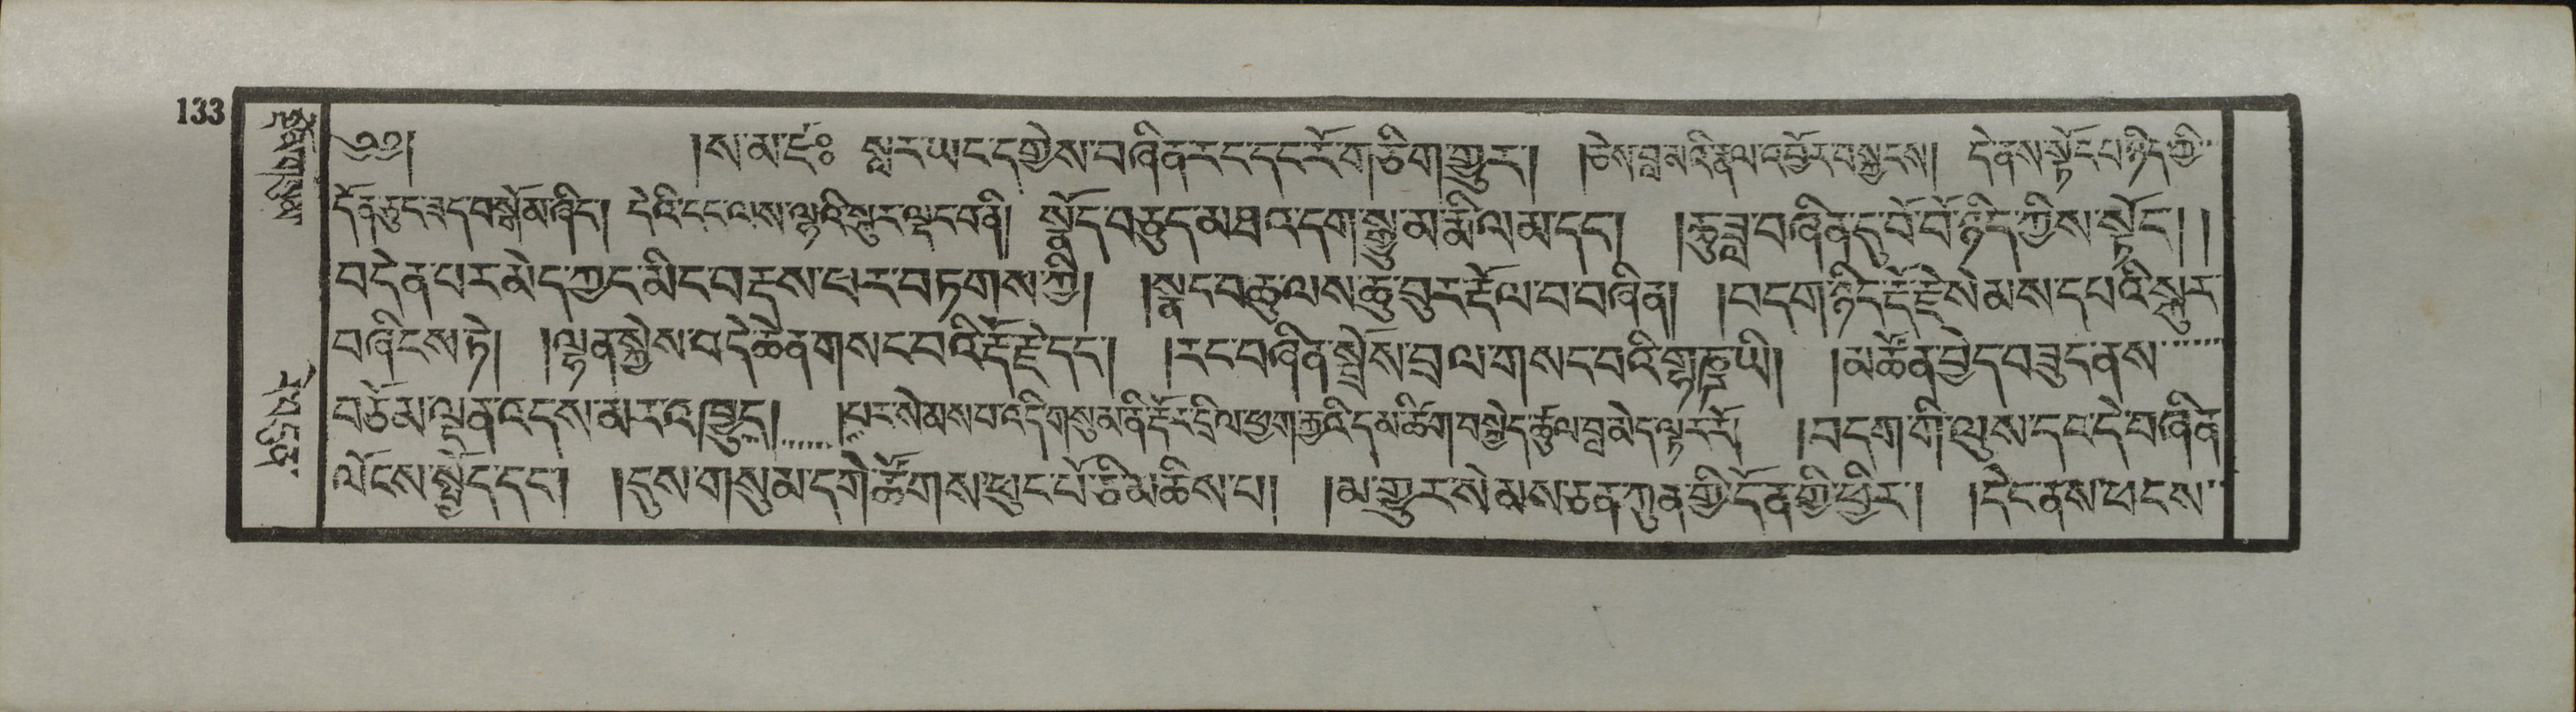༄༅། །ས་མ་ཛཿ སླར་ཡང་དགྱེས་བཞིན་རང་དང་རོ་གཅིག་གྱུར། །ཅེས་བླ་མའི་རྣལ་འབྱོར་བསྐྱངས། དེ་ནས་སྟོང་པ་ཉིད་ཀྱི་
དོན་ཅུང་ཟད་བསྒོམ་ཞིང་། དེའི་དང་ལས་ལྷའི་སྐུར་ལྡང་བ་ནི། སྣོད་བཅུད་མཐའ་དག་སྒྱུ་མ་རྨི་ལམ་དང་། །ཆུ་ཟླ་བཞིན་དུ་བོ་བོ་ཉིད་ཀྱིས་སྟོང་། །
བདེན་པར་མེད་ཀྱང་མིང་བརྡས་པར་བཏགས་ཀྱི། །སྣང་བ་ཆུ་ལས་ཆུ་བུར་རྡོལ་བ་བཞིན། །བདག་ཉིད་རྡོ་རྗེ་སེམས་དཔའི་སྐུར་
བཞིངས་ཏེ། །ལྷན་སྐྱེས་བདེ་ཆེན་གསང་བའི་རྡོ་རྗེ་དང་། །རང་བཞིན་སྤྲོས་བྲལ་གསང་བའི་གྷཎྜ་ཡི། །མཚོན་བྱེད་བཟུང་ནས་
བཅོམ་ལྡན་འདས་མར་འཁྱུད། །པར་སེམས་པ་འདི་གསུམ་ནི་རྡོར་དྲིལ་ཕྱག་རྒྱའི་དམ་ཚིག་བསྐྱེད་ཚུལ་བླ་མེད་ལྟར་རོ། །བདག་གི་ལུས་དང་དེ་བཞིན་
ལོངས་སྤྱོད་དང་། །དུས་གསུམ་དགེ་ཚོགས་ཕུང་པོ་ཅི་མཆིས་པ། །མ་གྱུར་སེམས་ཅན་ཀུན་གྱི་དོན་གྱི་ཕྱིར། །དེང་ནས་ཕངས་